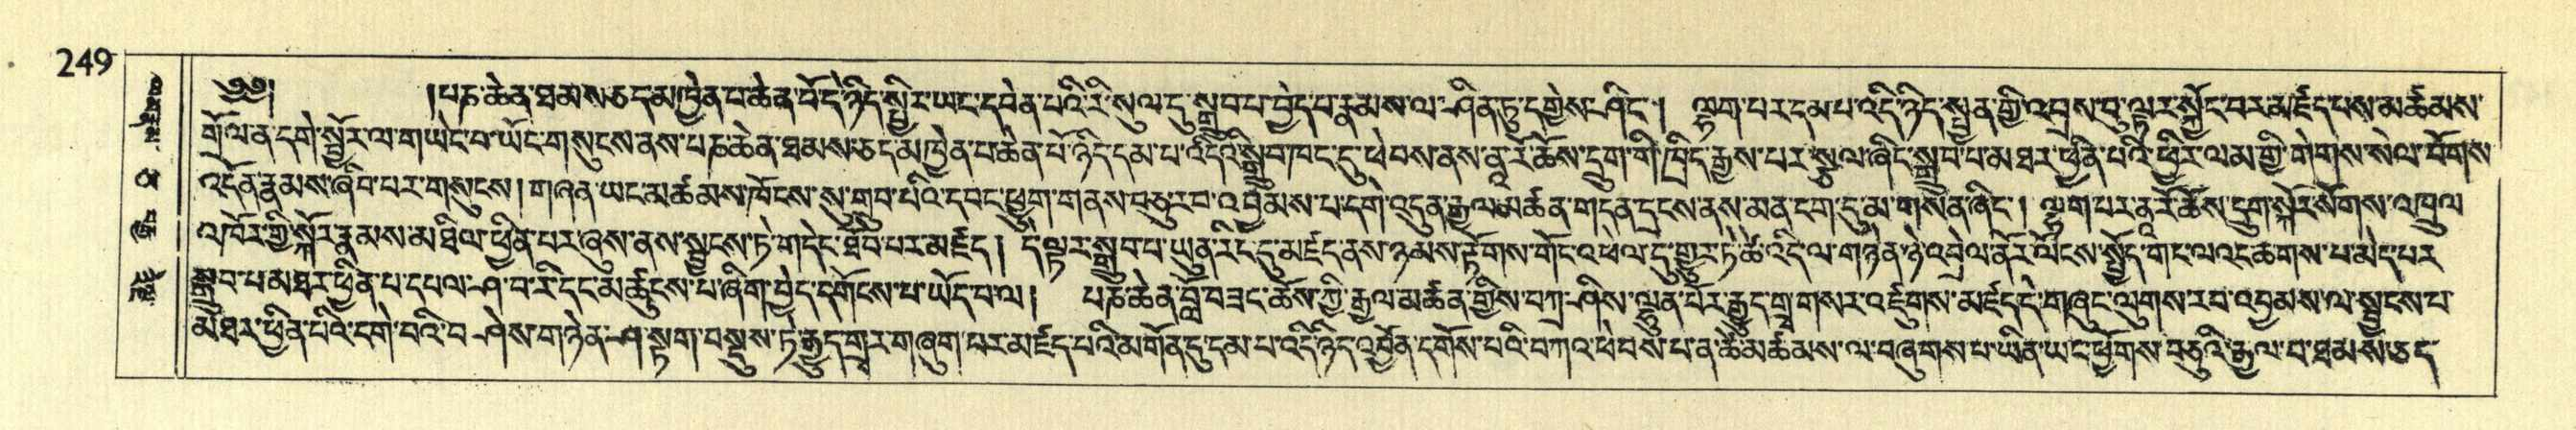༄༅། །པཎ་ཆེན་ཐམས་ཅད་མཁྱེན་པ་ཆེན་པོ་དེ་ཉིད་སྤྱིར་ཡང་དབེན་པའི་རི་སུལ་དུ་སྒྲུབ་པ་བྱེད་པ་རྣམས་ལ་ཤིན་ཏུ་དགྱེས་ཤིང་། ལྷག་པར་དམ་པ་འདི་ཉིད་སྤྱན་གྱི་འབྲས་བུ་ལྟར་སྐྱོང་བར་མཛད་པས་མཚམས་
གྲོལ་ན་དགེ་སྦྱོར་ལ་གཡེང་བ་ཡོང་གསུངས་ནས་པཎ་ཆེན་ཐམས་ཅད་མཁྱེན་པ་ཆེན་པོ་ཉིད་དམ་པ་འདིའི་སྒྲུབ་ཁང་དུ་ཕེབས་ནས་ནཱ་རོ་ཆོས་དྲུག་གི་ཁྲིད་རྒྱས་པར་སྩལ་ཞིང་སྒྲུབ་པ་མཐར་ཕྱིན་པའི་ཕྱིར་ལམ་གྱི་གེགས་སེལ་བོགས་
འདོན་རྣམས་ཞིབ་པར་གསུངས། གཞན་ཡང་མཚམས་ཁོངས་སུ་གྲུབ་པའི་དབང་ཕྱུག་གནས་བཅུ་རབ་འབྱམས་པ་དགེ་འདུན་རྒྱལ་མཚན་གདན་དྲངས་ནས་མན་ངག་དུ་མ་གསན་ཞིང་། ལྷག་པར་ནཱ་རོ་ཆོས་དྲུག་སྐོར་སོགས་འཁྲུལ་
འཁོར་གྱི་སྐོར་རྣམས་མཐིལ་ཕྱིན་པར་ཞུས་ནས་སྦྱངས་ཏེ་གདེང་ཐོབ་པར་མཛད། དེ་ལྟར་སྒྲུབ་པ་ཡུན་རིང་དུ་མཛད་ནས་ཉམས་རྟོགས་གོང་འཕེལ་དུ་གྱུར་ཏེ་ཚེ་འདི་ལ་གཉེན་ཉེ་འབྲེལ་ནོར་ལོངས་སྤྱོད་གང་ལའང་ཆགས་པ་མེད་པར་
སྒྲུབ་པ་མཐར་ཕྱིན་པ་དཔལ་ཤ་བ་རི་དང་མཚུངས་པ་ཞིག་བྱེད་དགོངས་པ་ཡོད་པ་ལ། པཎ་ཆེན་བློ་བཟང་ཆོས་ཀྱི་རྒྱལ་མཚན་གྱིས་བཀྲ་ཤིས་ལྷུན་པོར་རྒྱུད་གྲྭ་གསར་འཛུགས་མཛད་དེ་གཞུང་ལུགས་རབ་འབྱམས་ལ་སྦྱངས་པ་
མཐར་ཕྱིན་པའི་དགེ་བའི་བཤེས་གཉེན་ཤ་སྟག་བསྡུས་ཏེ་རྒྱུད་གྲྭར་གཞུག་པར་མཛད་པའི་མགོན་དུ་དམ་པ་འདི་ཉིད་འབྱོན་དགོས་པའི་བཀའ་ཕེབས་པ་ན་ཚེ་མཚམས་ལ་བཞུགས་པ་ཡིན་ཡང་ཕྱོགས་བཅུའི་རྒྱལ་བ་ཐམས་ཅད་